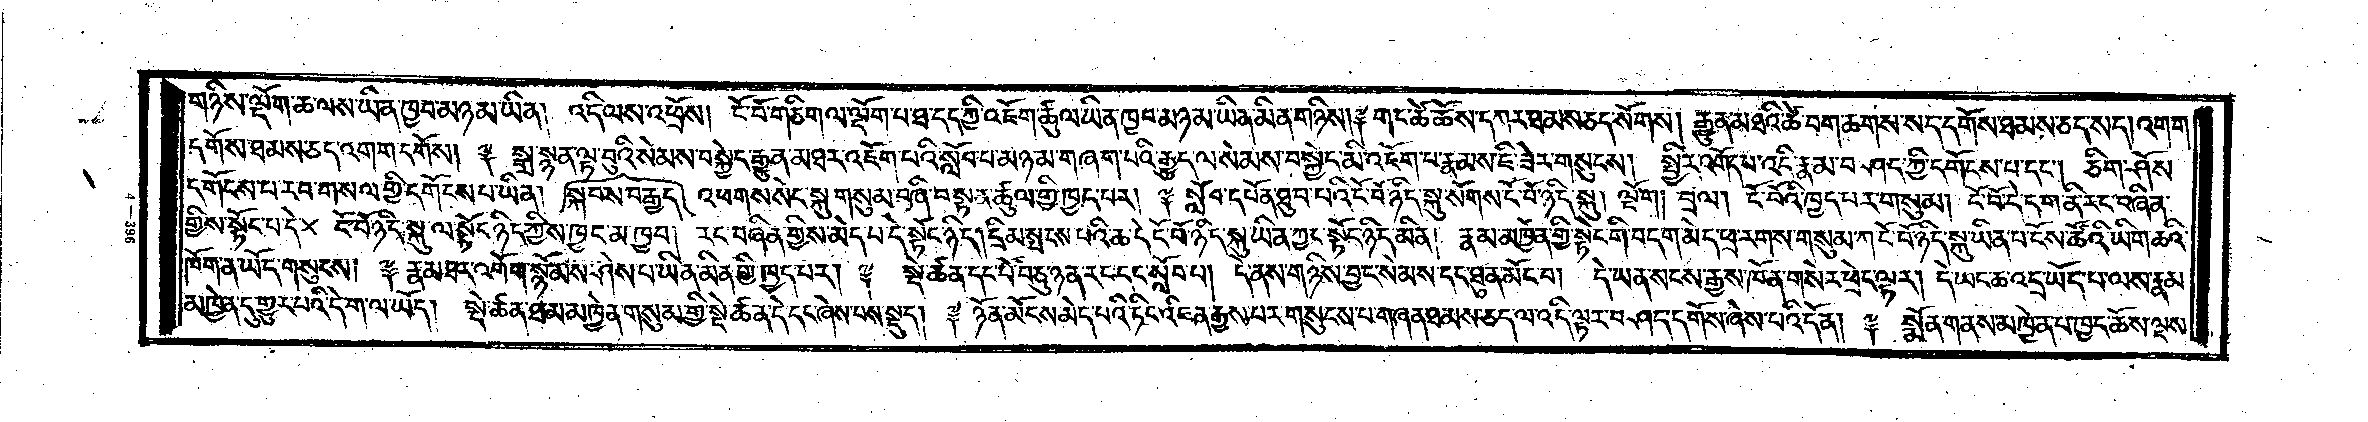གཉིས་ལྡོག་ཆ་ལས་ཡིན་ཁྱབ་མཉམ་ཡིན། འདི་ལས་འཕྲོས། ངོ་བོ་གཅིག་ལ་ལྡོག་པ་ཐ་དད་ཀྱི་འཇོག་ཚུལ་ཡིན་ཁྱབ་མཉམ་ཡིན་མིན་གཉིས། ༈ གང་ཚེ་ཆོས་དཀར་ཐམས་ཅད་སོགས། རྒྱུན་མཐའི་ཚེ་བག་ཆགས་སད་དགོས་ཐམས་ཅད་སད། འགག་
དགོས་ཐམས་ཅད་འགག་དགོས། ༈ སྒྲ་སྙན་ལྟ་བུའི་སེམས་བསྐྱེད་རྒྱུན་མཐར་འཇོག་པའི་སློབ་པ་མཉམ་གཞག་པའི་རྒྱུད་ལ་སེམས་བསྐྱེད་མི་འཇོག་པ་རྣམས་ཇི་ཟེར་གསུངས། སྤྱིར་འགོད་པ་འདི་རྣམ་བཤད་ཀྱི་དགོངས་པ་དང་། ཅིག་ཤོས་
དགོངས་པ་རབ་གསལ་གྱི་དགོངས་པ་ཡིན། ༼སྐབས་བརྒྱད༽ འཕགས་སེང་སྐུ་གསུམ་བཞི་བསྟན་ཚུལ་གྱི་ཁྱད་པར། ༈ སློབ་དཔོན་ཐུབ་པའི་ངོ་བོ་ཉིད་སྐུ་སོགས་ངོ་བོ་ཉིད་སྐུ། ལྡོག །བྲལ། ངོ་བོའི་ཁྱད་པར་གསུམ། ངོ་བོ་དེ་དག་ནི་རང་བཞིན་
གྱིས་སྟོང་པ་དེ་྾་ངོ་བོ་ཉིད་སྐུ་ལ་སྟོང་ཉིད་ཀྱིས་ཁྱང་མ་ཁྱབ། རང་བཞིན་གྱིས་མེད་པ་དེ་སྟོང་ཉིད། དྲི་མ་སྤངས་པའི་ཆ་དེ་ངོ་བོ་ཉིད་སྐུ་ཡིན་ཀྱང་སྟོང་ཉིད་མིན། རྣམ་མཁྱོན་གྱི་སྟེང་གི་བདག་མེད་ཕྲ་རགས་གསུམ་ཀ་ངོ་བོ་ཉིད་སྐུ་ཡིན་པ་ངོས་ཚོའི་ཡིག་ཆའི་
ཁོག་ན་ཡོད་གསུངས། ༈ རྣམ་ཐར་འགོག་སྙོམས་ཤེས་པ་ཡིན་མིན་གྱི་ཁྱད་པར། ༈ སྡེ་ཚན་དང་པོ་བཅུ་ཉན་རང་དང་སློབ་པ། དེ་ནས་གཉིས་བྱང་སེམས་དང་ཐུན་མོང་བ། དེ་ཡན་སངས་རྒྱས་ཁོ་ན་གསེར་ཕྲེང་ལྟར། དེ་ཡང་ཆ་འདྲ་ཡོད་པ་ལས་རྣམ་
མཁྱེན་དུ་གྱུར་པའི་དེ་ག་ལ་ཡོད། སྡེ་ཚན་ཐ་མ་མཁྱེན་གསུམ་གྱི་སྡེ་ཚན་དེ་དང་ཞེས་པས་སྡུད། ༈ ཉོན་མོངས་མེད་པའི་ཏིང་འཛིན་རྒྱས་པར་གསུངས་པ་གཞན་ཐམས་ཅད་ལ་འདི་ལྟར་བཤད་དགོས་ཞེས་པའི་དོན། ༈ སྨོན་གནས་མཁྱེན་པ་ཁྱད་ཆོས་ལྡས་